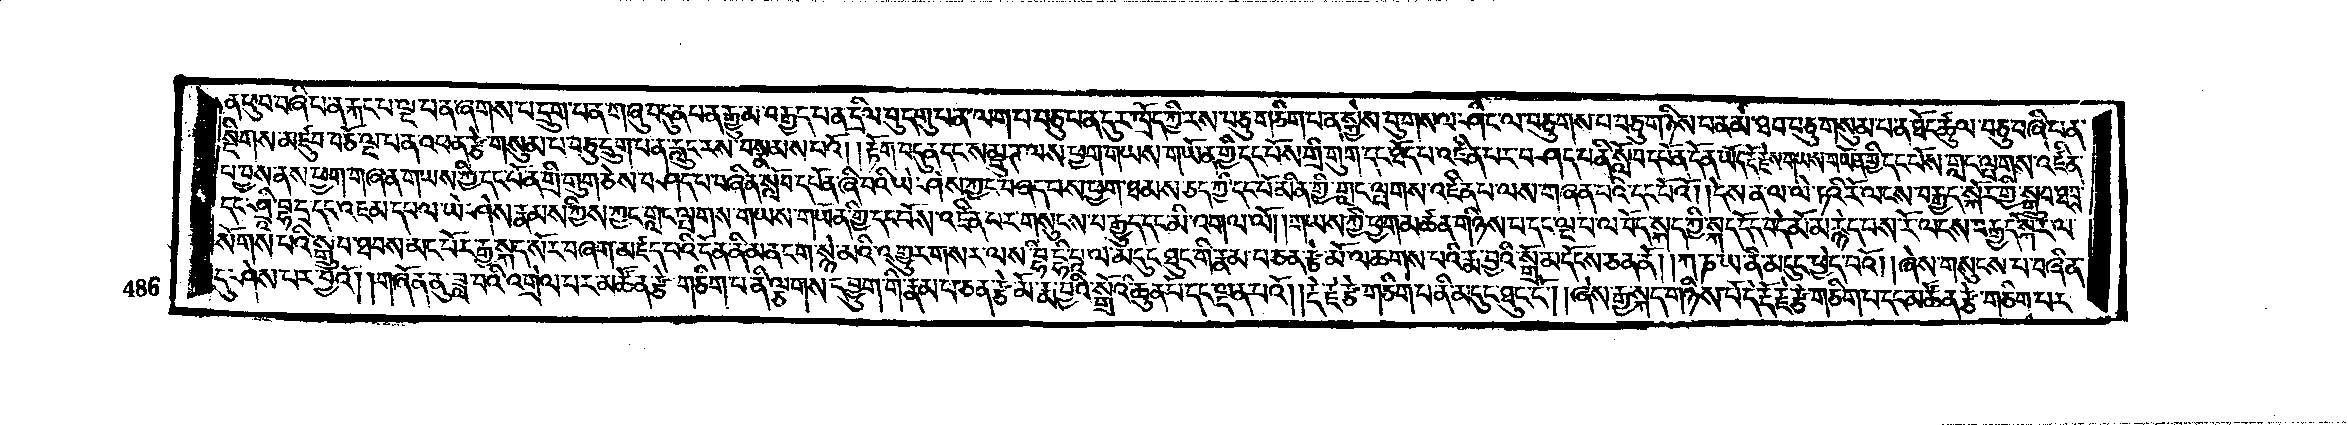ན་ཕུབ་བཞི་པ་ན་རྐང་པ་ལྔ་པ་ན་ཞགས་པ་དྲུག་པ་ན་གཞུ་བདུན་པ་ན་རྒྱུ་མ་བརྒྱད་པ་ན་དྲིལ་བུ་དགུ་པ་ན་ལག་པ་བཅུ་པ་ན་དུར་ཁྲོད་ཀྱི་རས་བཅུ་གཅིག་པ་ན་སྐྱེས་བུ་གསལ་ཤིང་ལ་བཅུགས་པ་བཅུ་གཉིས་པ་ན་མེ་ཐབ་བཅུ་གསུམ་པ་ན་ཐོད་ཚལ་བཅུ་བཞི་པ་ན་
སྡིགས་མཛུབ་བཅོ་ལྔ་པ་ན་འཕན་རྩེ་གསུམ་པ་བཅུ་དྲུག་པ་ན་རླུང་རས་བསྣམས་པའོ། །རྟོག་བདུན་དང་སམྤུཊ་ལས་ཕྱག་གཡས་གཡོན་གྱི་དང་པོས་གྲི་གུག་དང་ཐོད་པ་འཛིན་པར་བཤད་པ་ནི་སློབ་དཔོན་དོན་ཡོད་རྡོ་རྗེས་གཡས་གཡོན་གྱི་དང་པོས་གླང་ལྤགས་འཛིན་
པ་བྱས་ནས་ཕྱག་གཞན་གཡས་ཀྱི་དང་པོ་ན་གྲི་གུག་ཅེས་བཤད་པ་བཞིན་སློབ་དཔོན་ཞི་བའི་ཡེ་ཤེས་ཀྱང་བཞད་པས་ཕྱག་ཐམས་ཅད་ཀྱི་དང་པོ་མིན་གྱི་གླང་ལྤགས་འཛིན་པ་ལས་གཞན་པའི་དང་པོའོ། །དེས་ན་ལ་ལི་ཏའི་རོ་ལངས་བརྒྱད་སྐོར་གྱི་སྒྲུབ་ཐབས་
དང་ཤྲཱི་བྷ་དྲ་དང་འཇམ་དཔལ་ཡེ་ཤེས་རྣམས་ཀྱིས་ཀྱང་གླང་ལྤགས་གཡས་གཡོན་གྱི་དང་པོས་འཛིན་པར་གསུངས་པ་རྒྱུད་དང་མི་འགལ་ལོ། །གཡས་ཀྱི་ཕྱག་མཚན་གཉིས་པ་དང་ལྔ་པ་ལ་བོད་སྐད་ཀྱི་སྐད་དོད་བདེ་མོ་མ་རྙེད་པས་རོ་ལངས་བརྒྱད་སྐོར་ལ་
སོགས་པའི་སྒྲུབ་ཐབས་མང་པོར་རྒྱ་སྐད་སོར་བཞག་མཛད་པའི་དོན་ནི་མན་ངག་སྙེ་མའི་འགྱུར་གསར་ལས་བྷི་དྷི་པཱ་ལ་མདུང་ཐུང་གི་རྣམ་པ་ཅན་རྩེ་མོ་ལ་ཆགས་པའི་རྨ་བྱའི་སྒྲོ་མདོངས་ཅན་ནོ། །ཀ་ཎ་ཡ་ནི་མདུང་ཕྱེད་པའོ། །ཞེས་གསུངས་པ་བཞིན་
དུ་ཤེས་པར་བྱའོ། །གཞོན་དུ་ཟླ་བའི་འགྲེལ་བར་མཚོན་རྩེ་གཅིག་པ་ནི་ལྕགས་དབྱུག་གི་རྣམ་པ་ཅན་རྩེ་མོ་རྨ་བྱའི་སྒྲོའི་ཆུན་པོ་དང་ལྡན་པའོ། །རྡོ་རྗེ་རྩེ་གཅིག་པ་ནི་མདུང་ཐུང་ངོ། །ཞེས་རྒྱ་སྐད་གཉིས་པོ་དེ་རྡོ་རྗེ་རྩེ་གཅིག་པ་དང་མཚོན་རྩེ་གཅིག་པར་